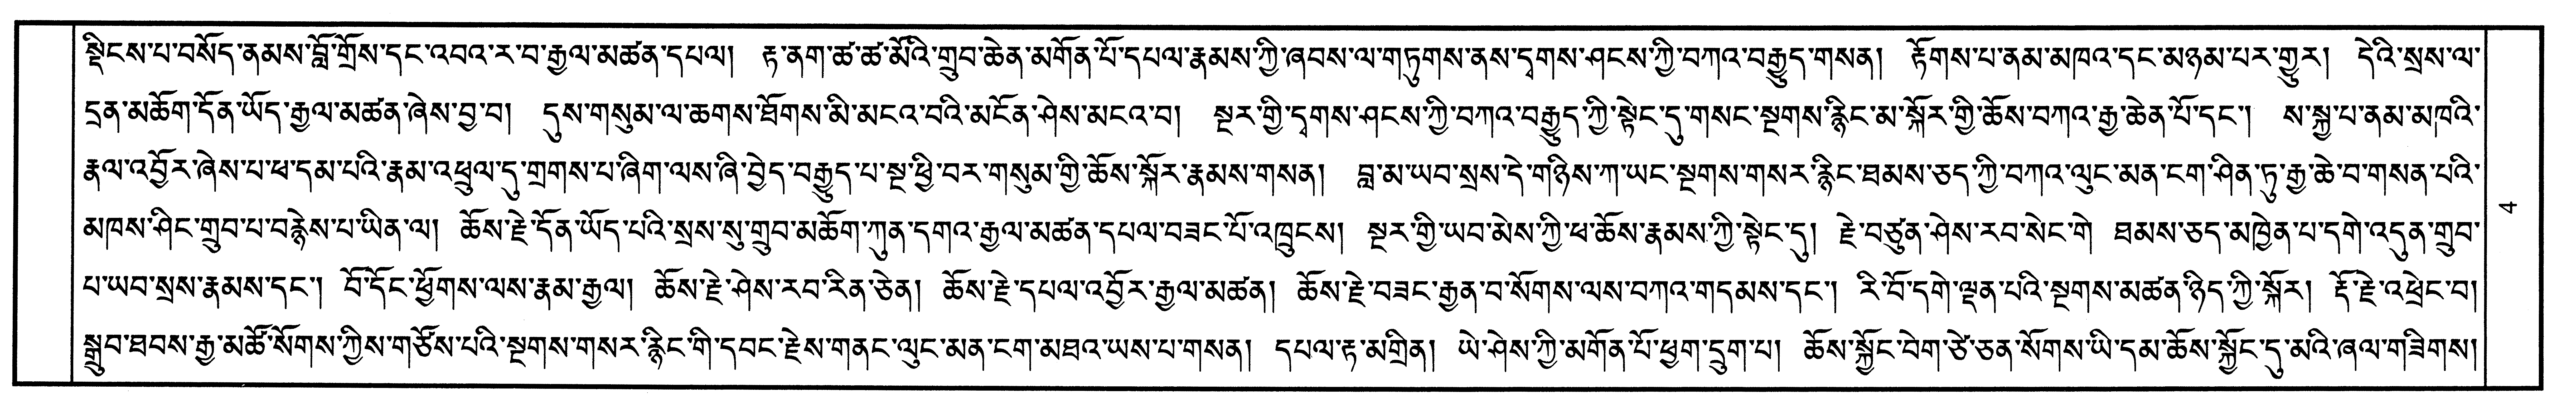སྡིངས་པ་བསོད་ནམས་བློ་གྲོས་དང་འབའ་ར་བ་རྒྱལ་མཚན་དཔལ། རྟ་ནག་ཚ་ཚ་མོའི་གྲུབ་ཆེན་མགོན་པོ་དཔལ་རྣམས་ཀྱི་ཞབས་ལ་གཏུགས་ནས་དྭགས་ཤངས་ཀྱི་བཀའ་བརྒྱུད་གསན། རྟོགས་པ་ནམ་མཁའ་དང་མཉམ་པར་གྱུར། དེའི་སྲས་ལ་
དྲན་མཆོག་དོན་ཡོད་རྒྱལ་མཚན་ཞེས་བྱ་བ། དུས་གསུམ་ལ་ཆགས་ཐོགས་མི་མངའ་བའི་མངོན་ཤེས་མངའ་བ། སྔར་གྱི་དྭགས་ཤངས་ཀྱི་བཀའ་བརྒྱུད་ཀྱི་སྟེང་དུ་གསང་སྔགས་རྙིང་མ་སྐོར་གྱི་ཆོས་བཀའ་རྒྱ་ཆེན་པོ་དང་། ས་སྐྱ་པ་ནམ་མཁའི་
རྣལ་འབྱོར་ཞེས་པ་ཕ་དམ་པའི་རྣམ་འཕྲུལ་དུ་གྲགས་པ་ཞིག་ལས་ཞི་བྱེད་བརྒྱུད་པ་སྔ་ཕྱི་བར་གསུམ་གྱི་ཆོས་སྐོར་རྣམས་གསན། བླ་མ་ཡབ་སྲས་དེ་གཉིས་ཀ་ཡང་སྔགས་གསར་རྙིང་ཐམས་ཅད་ཀྱི་བཀའ་ལུང་མན་ངག་ཤིན་ཏུ་རྒྱ་ཆེ་བ་གསན་པའི་
མཁས་ཤིང་གྲུབ་པ་བརྙེས་པ་ཡིན་ལ། ཆོས་རྗེ་དོན་ཡོད་པའི་སྲས་སུ་གྲུབ་མཆོག་ཀུན་དགའ་རྒྱལ་མཚན་དཔལ་བཟང་པོ་འཁྲུངས། སྔར་གྱི་ཡབ་མེས་ཀྱི་ཕ་ཆོས་རྣམས་ཀྱི་སྟེང་དུ། རྗེ་བཙུན་ཤེས་རབ་སེང་གེ། ཐམས་ཅད་མཁྱེན་པ་དགེ་འདུན་གྲུབ་
པ་ཡབ་སྲས་རྣམས་དང་། བོ་དོང་ཕྱོགས་ལས་རྣམ་རྒྱལ། ཆོས་རྗེ་ཤེས་རབ་རིན་ཅེན། ཆོས་རྗེ་དཔལ་འབྱོར་རྒྱལ་མཚན། ཆོས་རྗེ་བཟང་རྒྱན་བ་སོགས་ལས་བཀའ་གདམས་དང་། རི་བོ་དགེ་ལྡན་པའི་སྔགས་མཚན་ཉིད་ཀྱི་སྐོར། རྡོ་རྗེ་འཕྲེང་བ།
སྒྲུབ་ཐབས་རྒྱ་མཚོ་སོགས་ཀྱིས་གཙོས་པའི་སྔགས་གསར་རྙིང་གི་དབང་རྗེས་གནང་ལུང་མན་ངག་མཐའ་ཡས་པ་གསན། དཔལ་རྟ་མགྲིན། ཡེ་ཤེས་ཀྱི་མགོན་པོ་ཕྱག་དྲུག་པ། ཆོས་སྐྱོང་བེག་ཙེ་ཅན་སོགས་ཡི་དམ་ཆོས་སྐྱོང་དུ་མའི་ཞལ་གཟིགས།